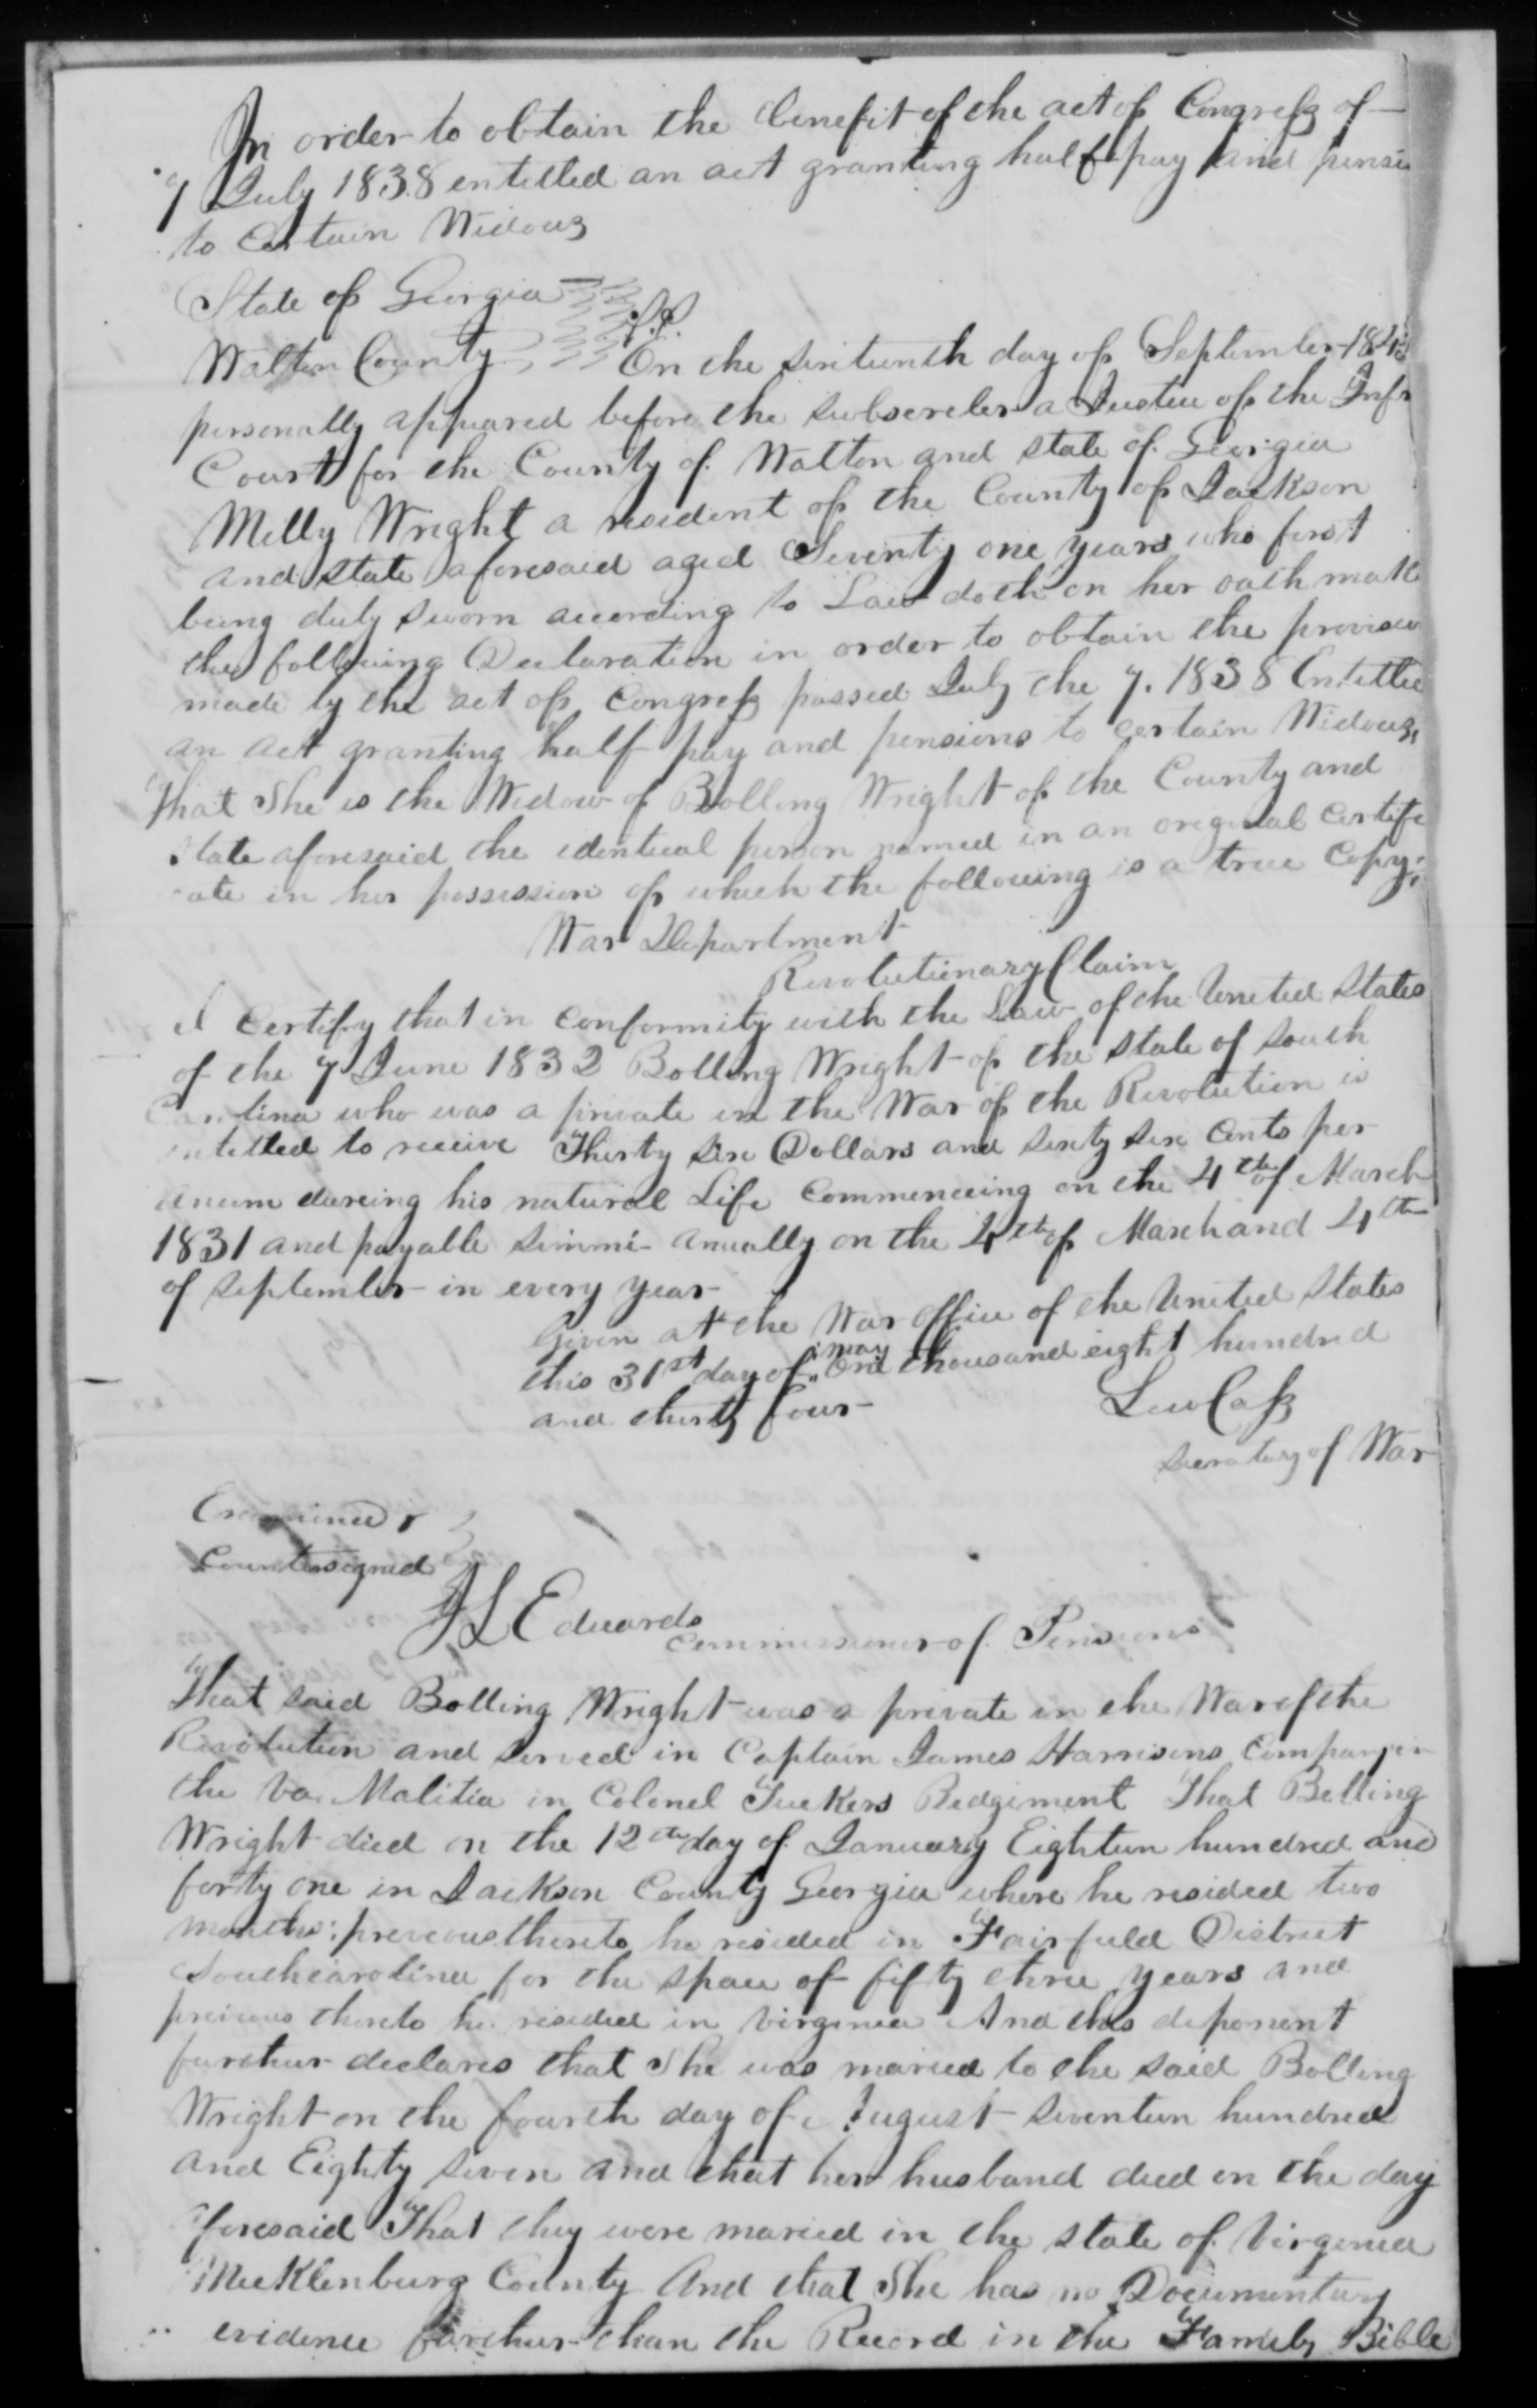In order to obtain the benefit of the act of Congress of 7 July 1838 entitled an act granting half pay and pension to certain Widows
State of Georgia Walton County } PP
On the sixteenth day of September 1845 personally appeared before the subscriber a Justice of the Inf Court for the County of Walton and state of Georgia Milly Wright a resident of the County of Jackson and state aforesaid aged Seventy one years who first being duly sworn according to Law doth on her oath make the following Declaration in order to obtain the provision made by the act of Congress passed July the 7 1838 Entitled an act granting half pay and pensions to certain Widows that she is the Widow of Bolling Wright of the County and state aforesaid the identical person named in an original certificate in her possession of which the following is a true copy.
War Department Revolutionary Claim
I Certify that in conformity with the law of the United States of the 7 June 1832 Bolling Wright of the state of south Carolina who was a private in the War of the Revolution is entitled to receive Thirty six Dollars and sixty six cents per annum during his natural Life commencing on the 4th of March 1831 and payable semmi Annually on the 4th of March and 4th of September in every year
Given at the War office of the United States this 31st day of May one thousand eight hundred and thirty four Lew Cass secretary of War
Examined & countersigned } JL Edwards commissioner of Pensions
That said Bolling Wright was a private in the War of the Revolution and served in Captain James Harrisens company in the Va Malitia in Colonel Tuckers Regiment That Bolling Wright died on the 12th day of January Eighteen hundred and forty one in Jackson County Georgia where he resided two months previous thereto he resided in Fairfield District South carolina for the space of fifty three years and previous thereto he resided in Virginia And this deponent further declares that she was maried to the said Bolling Wright on the fourth day of August seventeen hundred and Eight seven and that her husband died in the day aforesaid That they were maried in the stat of Virginia Mecklenburg County And that she has no Documentary evidence farthers than the Record in the Family Bible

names: J L Edwards, Lew Cass, Bolling Wright, Milly Wright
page: 23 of 81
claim: widow's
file: W. 5183, Bolling Wright, Va.